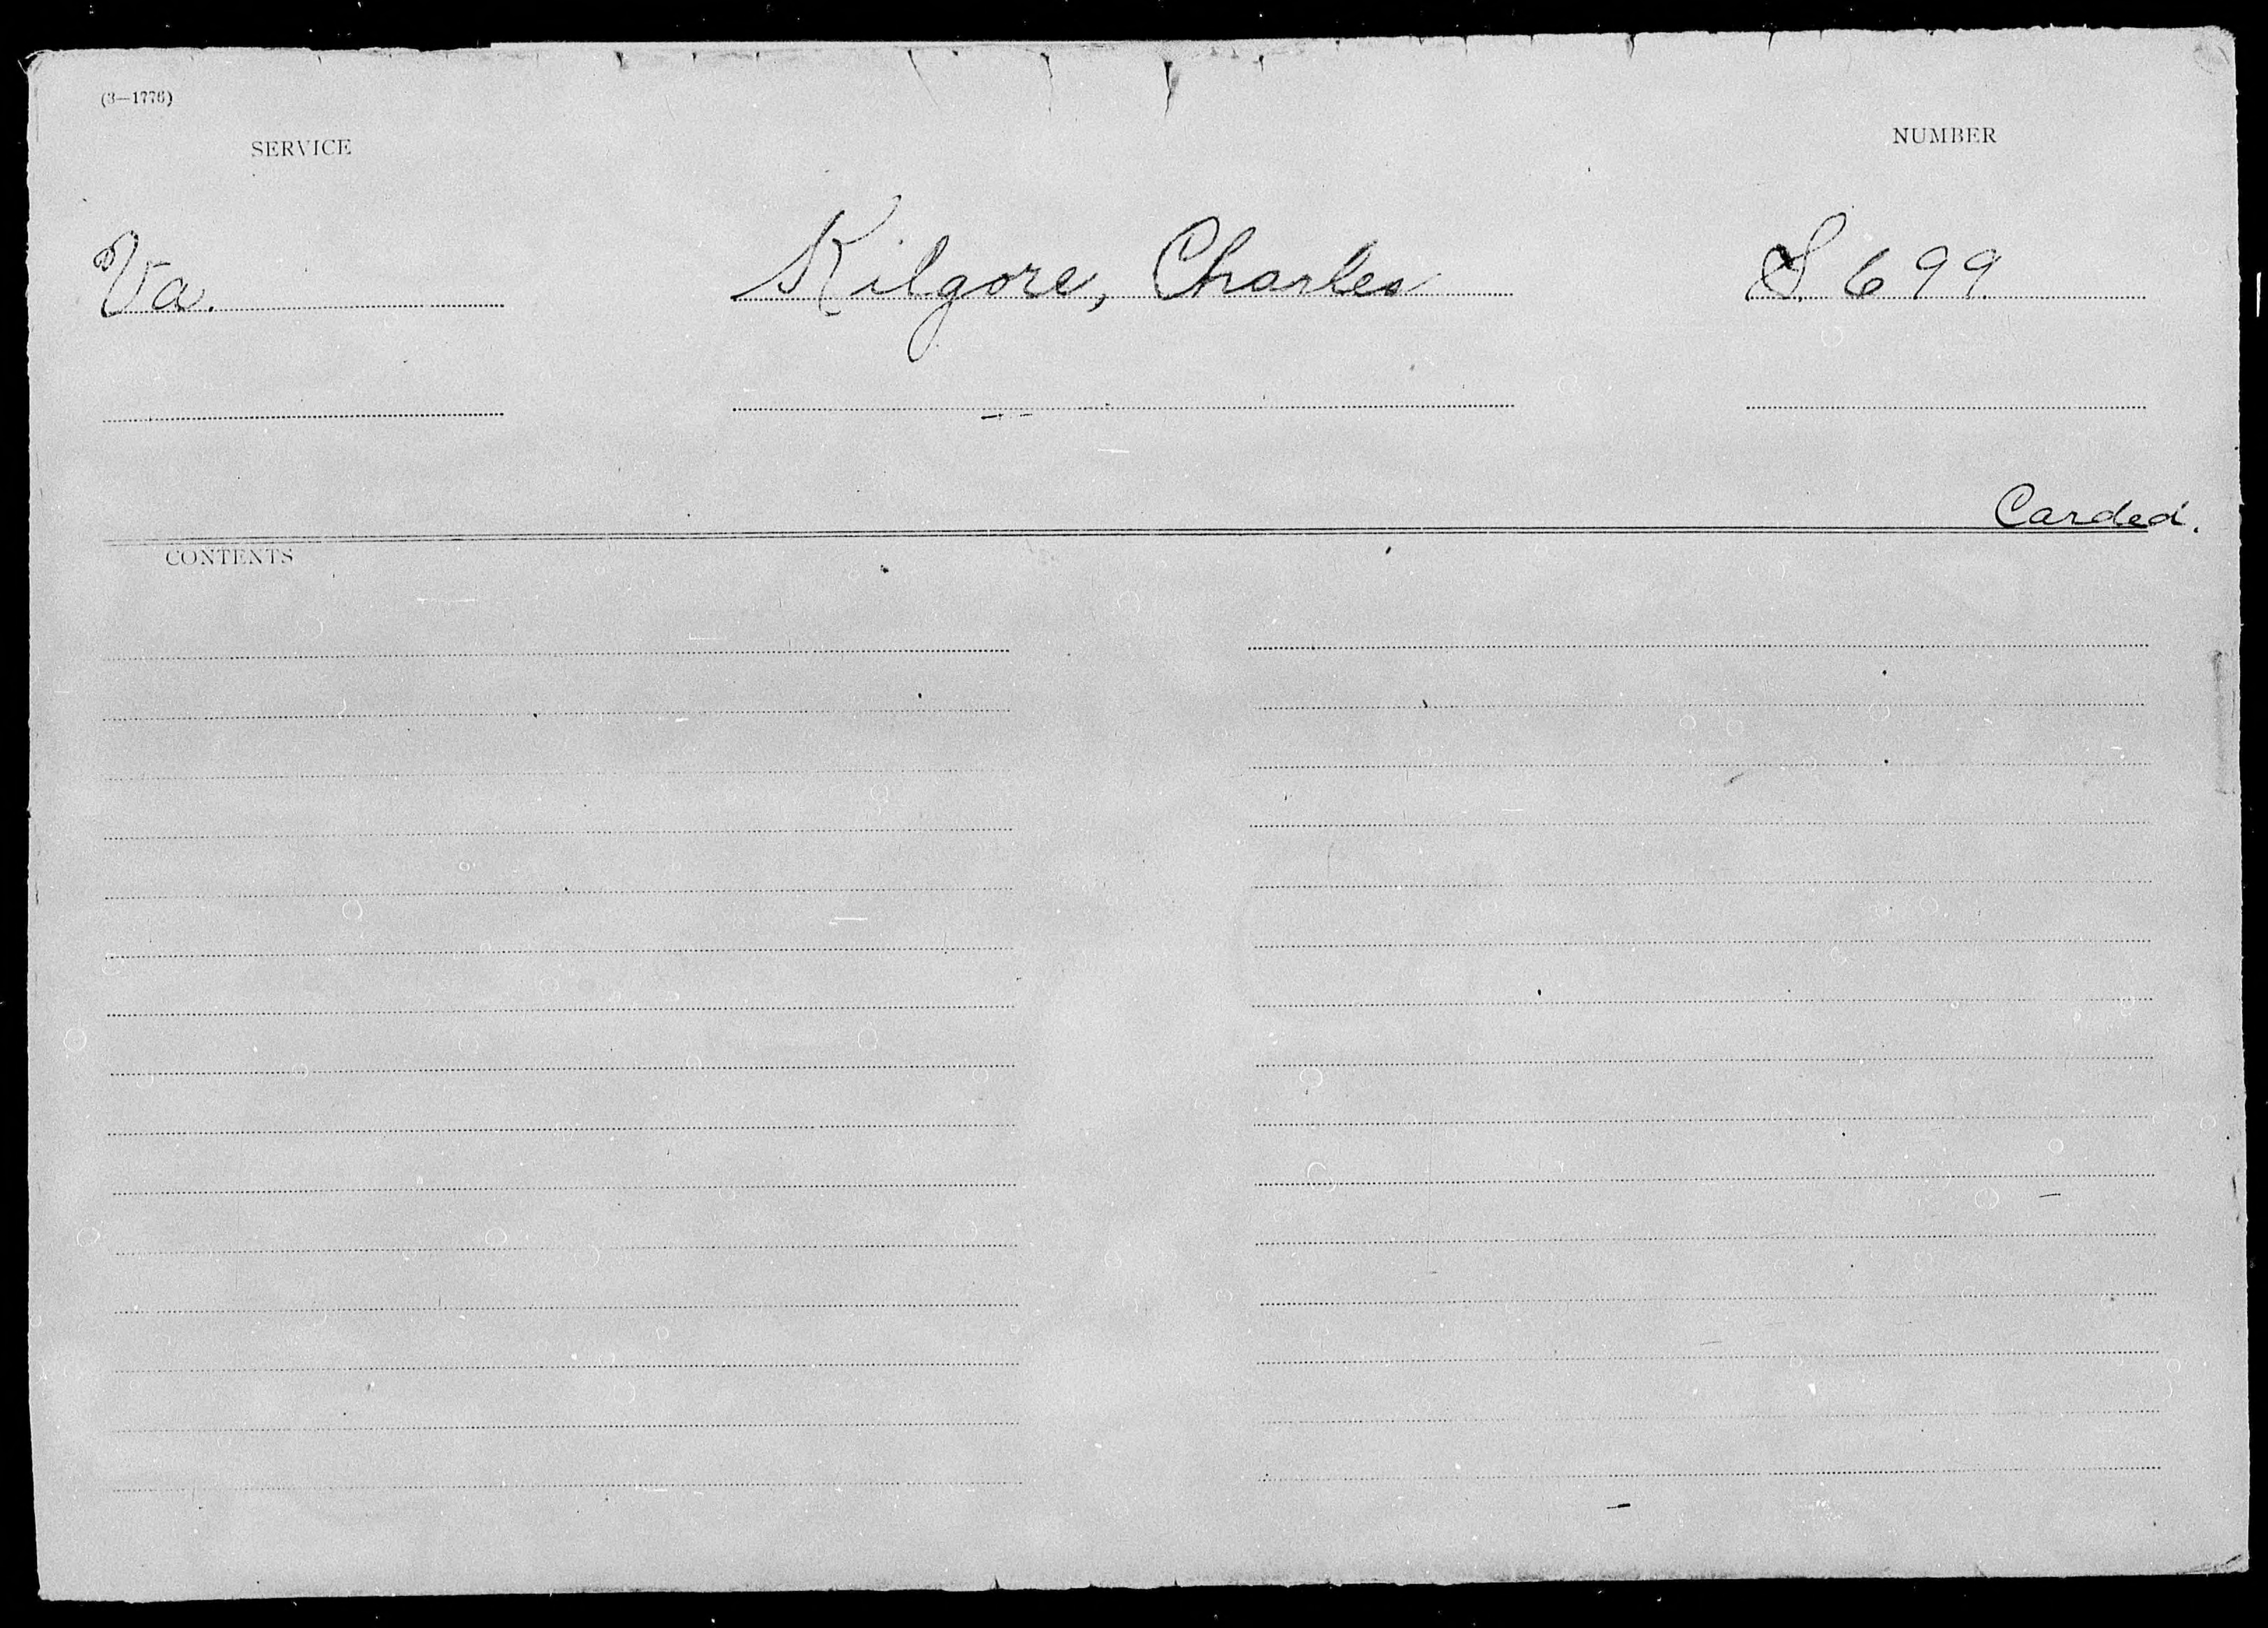(3-1776)
SERVICE Va.
Kilgore, Charles
NUMBER S.699
Carded.
CONTENTS [BLANK]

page: 1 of 115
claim: survivor's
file: S. 699, for Charles Kilgore, Virginia